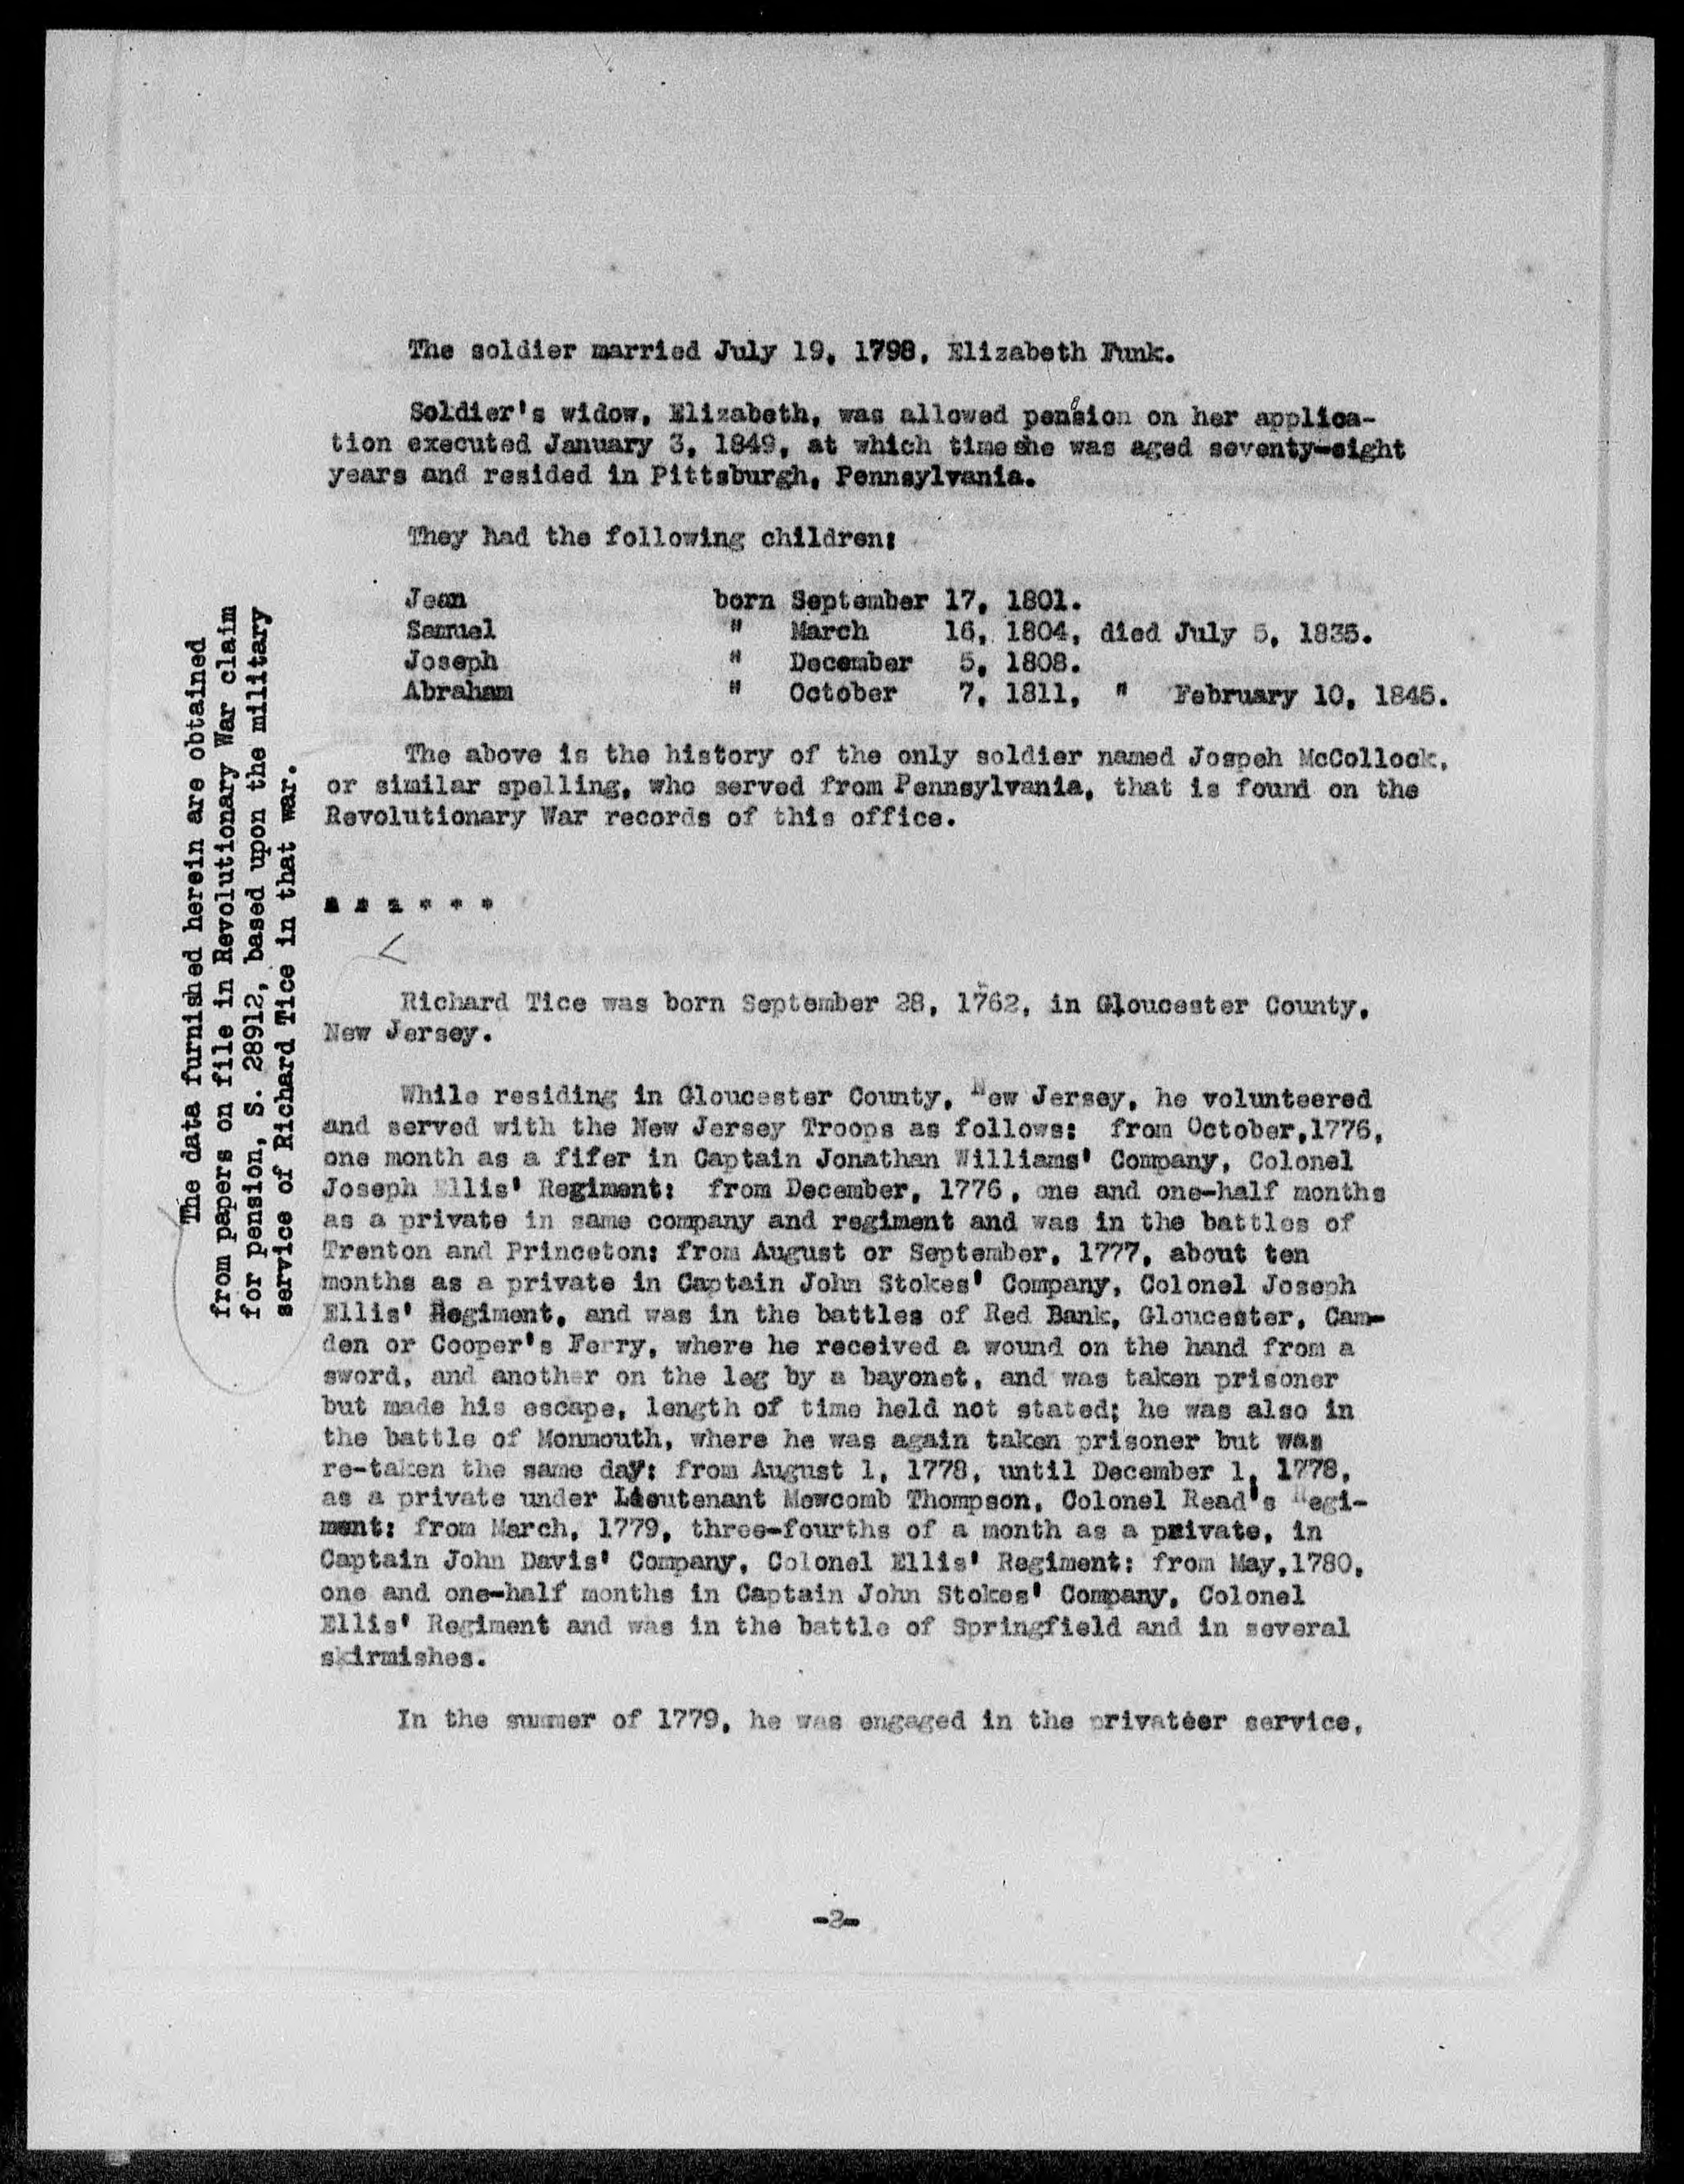The soldier married July 19, 1798, Elizabeth Funk.

Soldier's widow, Elizabeth, was allowed pension on her application executed January 3, 1849, at which time she was aged seventy-eight years and resided in Pittsburgh, Pennsylvania.

They had the following children:

Jean born September 17, 1801.
Samuel " March 16, 1804, died July 5, 1835.
Joseph " December 5, 1808.
Abraham " October 7, 1811, " February 10, 1845.

The above is the history of the only soldier named Joseph McCollock, or similar spelling, who served from Pennsylvania, that is found on the Revolutionary War records of this office.

[inserted later] The data furnished herein are obtained from papers on file in Revolutionary War claim for pension, S. 28912, based upon the military service of Richard Tice in that war.

Richard Tice was born September 28, 1762, in Gloucester County, New Jersey.

While residing in Gloucester County, New Jersey, he volunteered and served with the New Jersey Troops as follows: from October, 1776, one month as a fifer in Captain Jonathan Williams' Company, Colonel Joseph Ellis' Regiment: from December, 1776, one and one-half months as a private in same company and regiment and was in the battles of Trenton and Princeton: from August or September, 1777, about ten months as a private in Captain John Stokes' Company, Colonel Joseph Ellis' Regiment, and was in the battles of Red Bank, Gloucester, Camden or Cooper's Ferry, where he received a wound on the hand from a sword, and another on the leg by a bayonet, and was taken prisoner but made his escape, length of time held not stated; he was also in the battle of Monmouth, where he was again taken prisoner but was re-taken the same day: from August 1, 1778, until December 1, 1778, as a private under Lieutenant Mowcomb Thompson, Colonel Read's Regiment: from March 1779, three-fourths of a month as a private, in Captain John Davis' Company, Colonel Ellis' Regiment: from May, 1780, one and one-half months in Captain John Stokes' Company, Colonel Ellis' Regiment and was in the battle of Springfield and in several skirmishes.

In the summer of 1779, he was engaged in the privateer service,

-2-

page: 28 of 30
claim: widow's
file: W. 2146, for Joseph Mc Collock, Pennsylvania